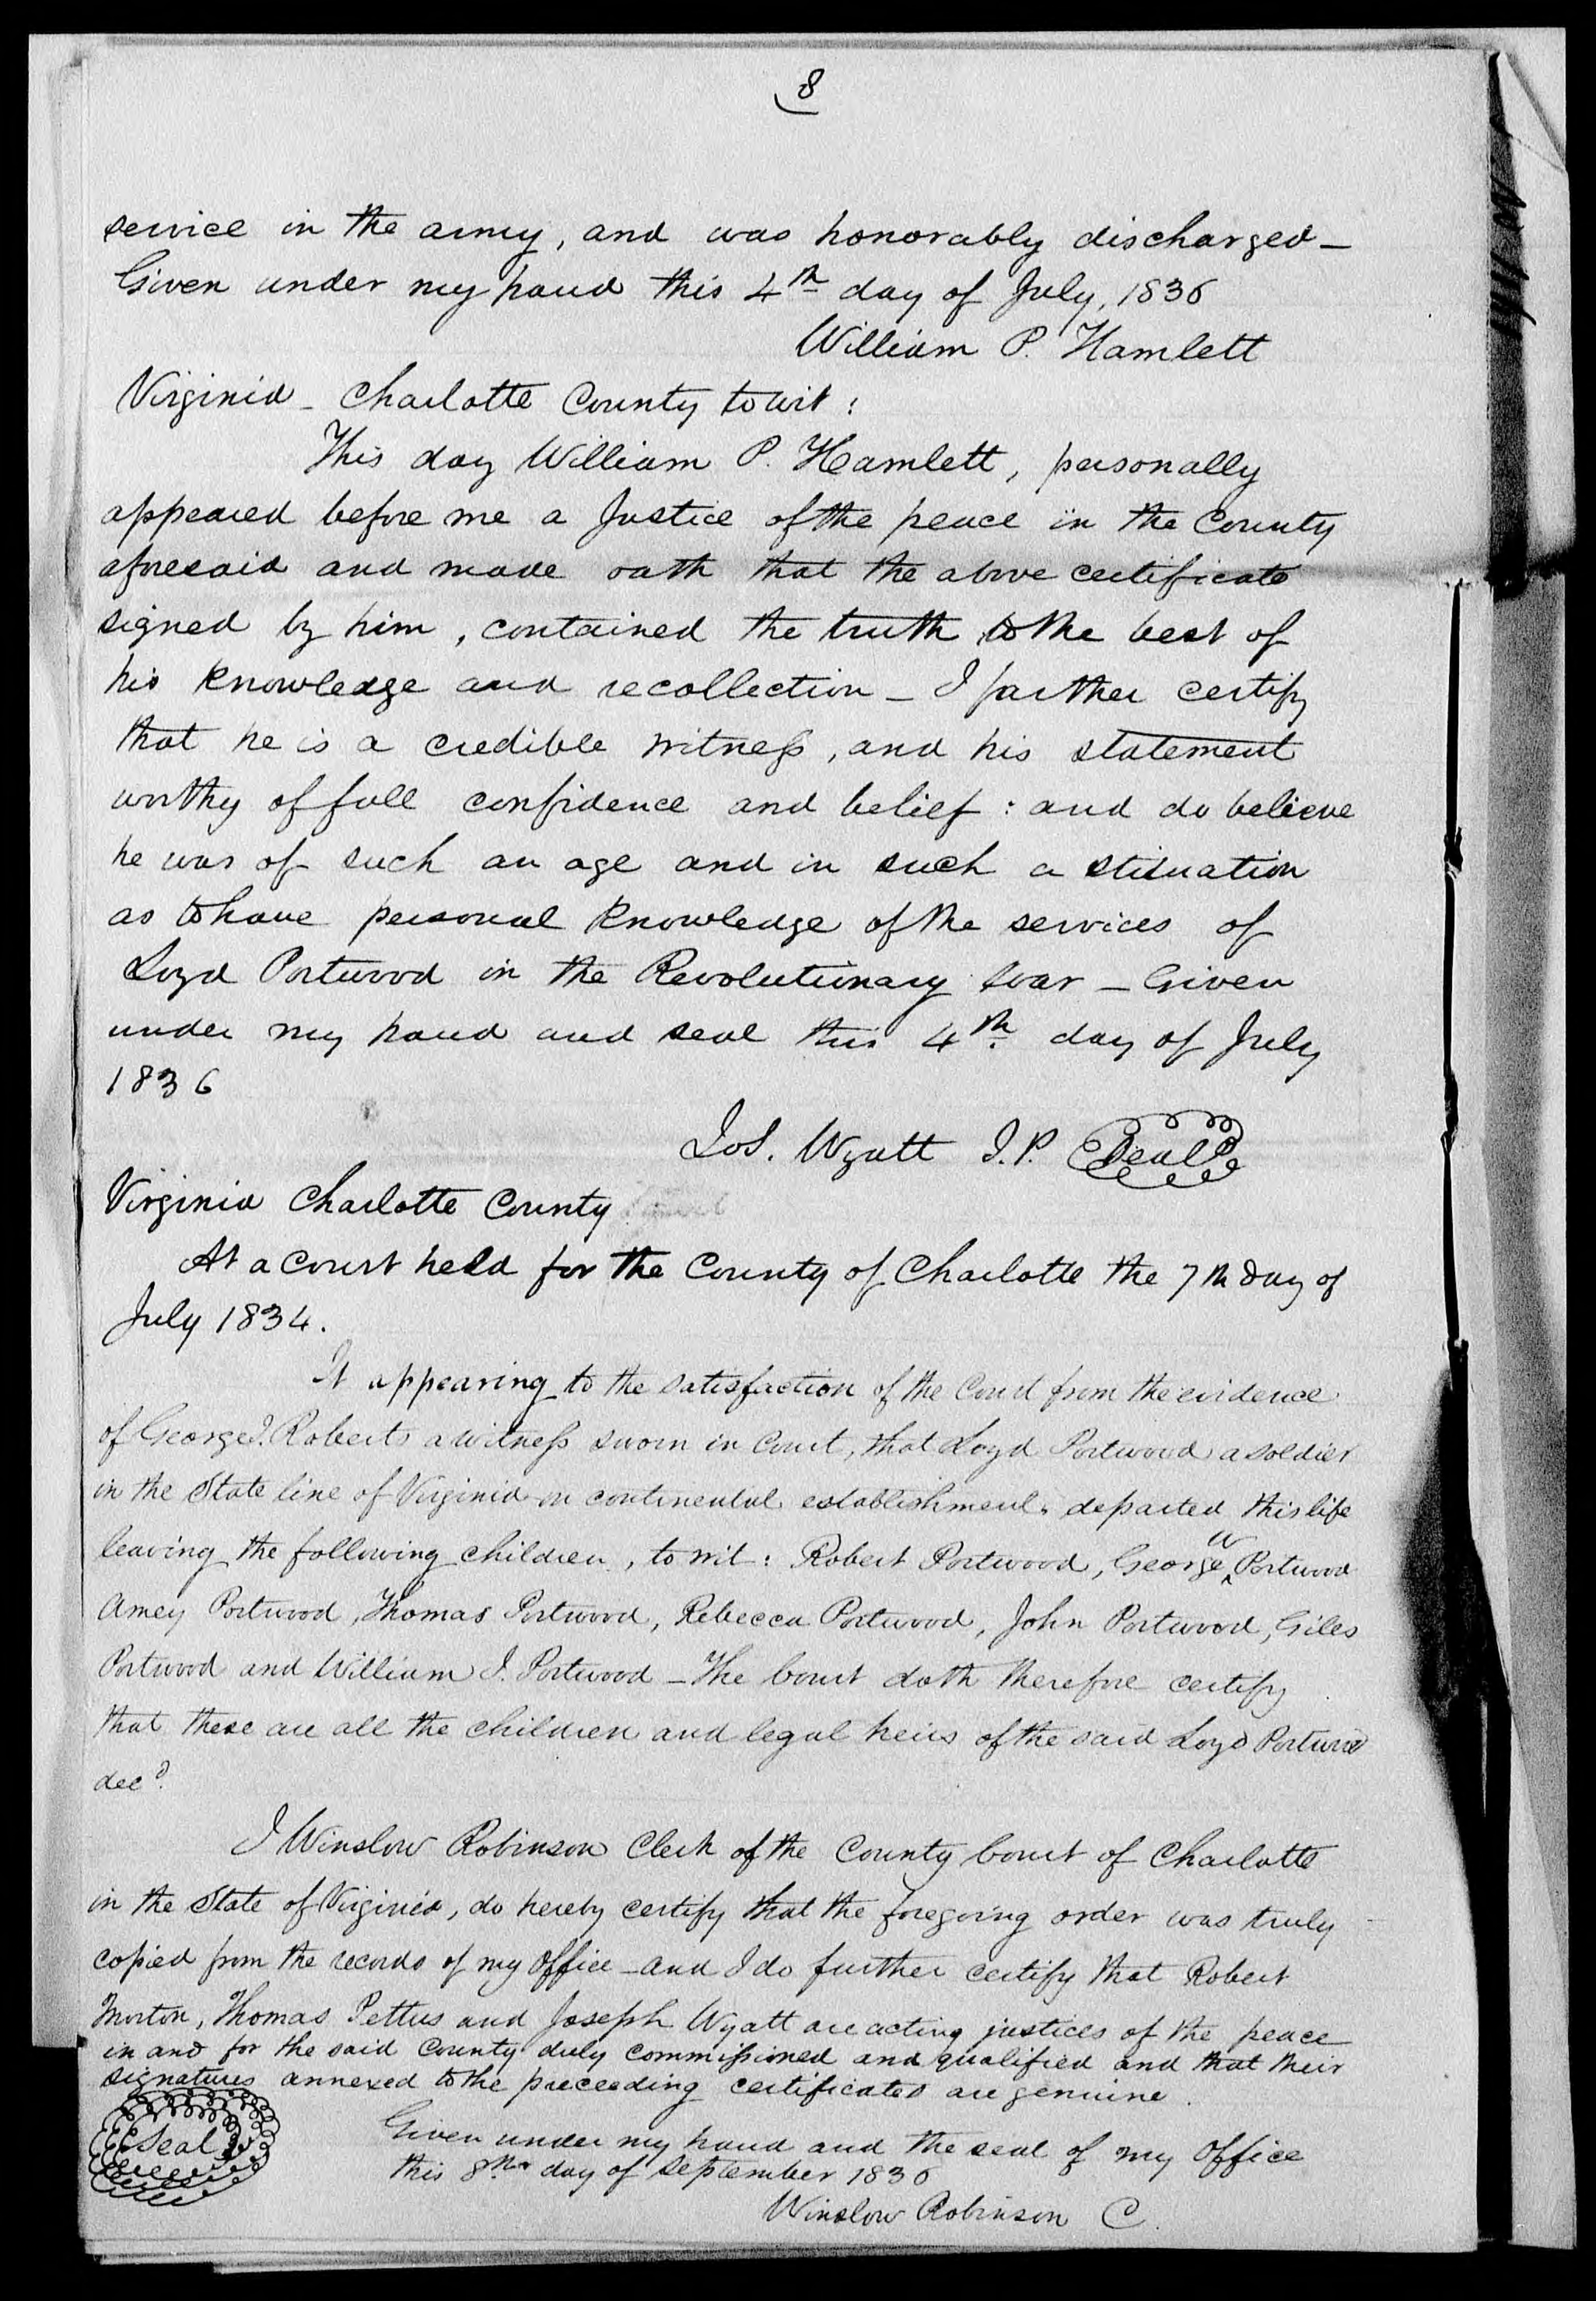8
service in the army, and was honorably discharged_
Given under my hand this 4th day of July, 1836
| William P. Hamlett
Virginia _ Charlotte County to wit:
This day William P. Hamlett, personally
appeared before me a Justice of the peace in the County
aforesaid and made oath that the above certificate
signed by him, contained the truth to the best of
his knowledge and recollection _ I farther certify
that he is a credible witness, and his statement
worthy of full confidence and belief: and do believe
he was of such an age and in such a situation
as to have personal knowledge of the services of
Loyd Portwood in the Revolutionary war _ Given
under my hand and seal this 4th day of July
1836
| Jos. Wyatt J.P. Seal
Virginia Charlotte County
At a court held for the County of Charlotte the 7th day of
July 1834.
It appearing to the satisfaction of the Court from the evidence
of George J Roberts a witness sworn in Court, that Loyd Portwood a soldier
in the State line of Virginia in continental establishment, departed this life
leaving the following children, to wit: Robert Portwood, George W [inserted] Portwood
Amey Portwood, Thomas Portwood, Rebecca Portwood, John Portwood, Giles
Portwood and William J. Portwood __ The Court doth therefore certify
that these are all the children and legal heirs of the said Loyd Portwood
decd.
I Winslow Robinson Clerk of the County Court of Charlotte
in the State of Virginia, do hereby certify that the foregoing order was truly
copied from the records of my office _and I do further certify that Robert
Morton, Thomas Pettus and Joseph Wyatt are acting justices of the peace
in and for the said County duly commissioned and qualified and that their
signatures annexed to the preceeding certificates are genuine.
Seal | Given under my hand and the seal of my office
this 8th day of September 1836
| Winslow Robinson C.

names: Winslow Robinson; Joseph Wyatt; William J Portwood; George W Portwood; Thomas Portwood; Thomas Pettus; Robert Portwood; John Portwood; Amey Portwood; George Roberts; Jos Wyatt; Giles Portwood; Loyd Portwood; William P Hamlett; Robert Morton; Rebecca Portwood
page: 49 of 50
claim: widow's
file: W. 1929, for Lloyd Portwood, Virginia